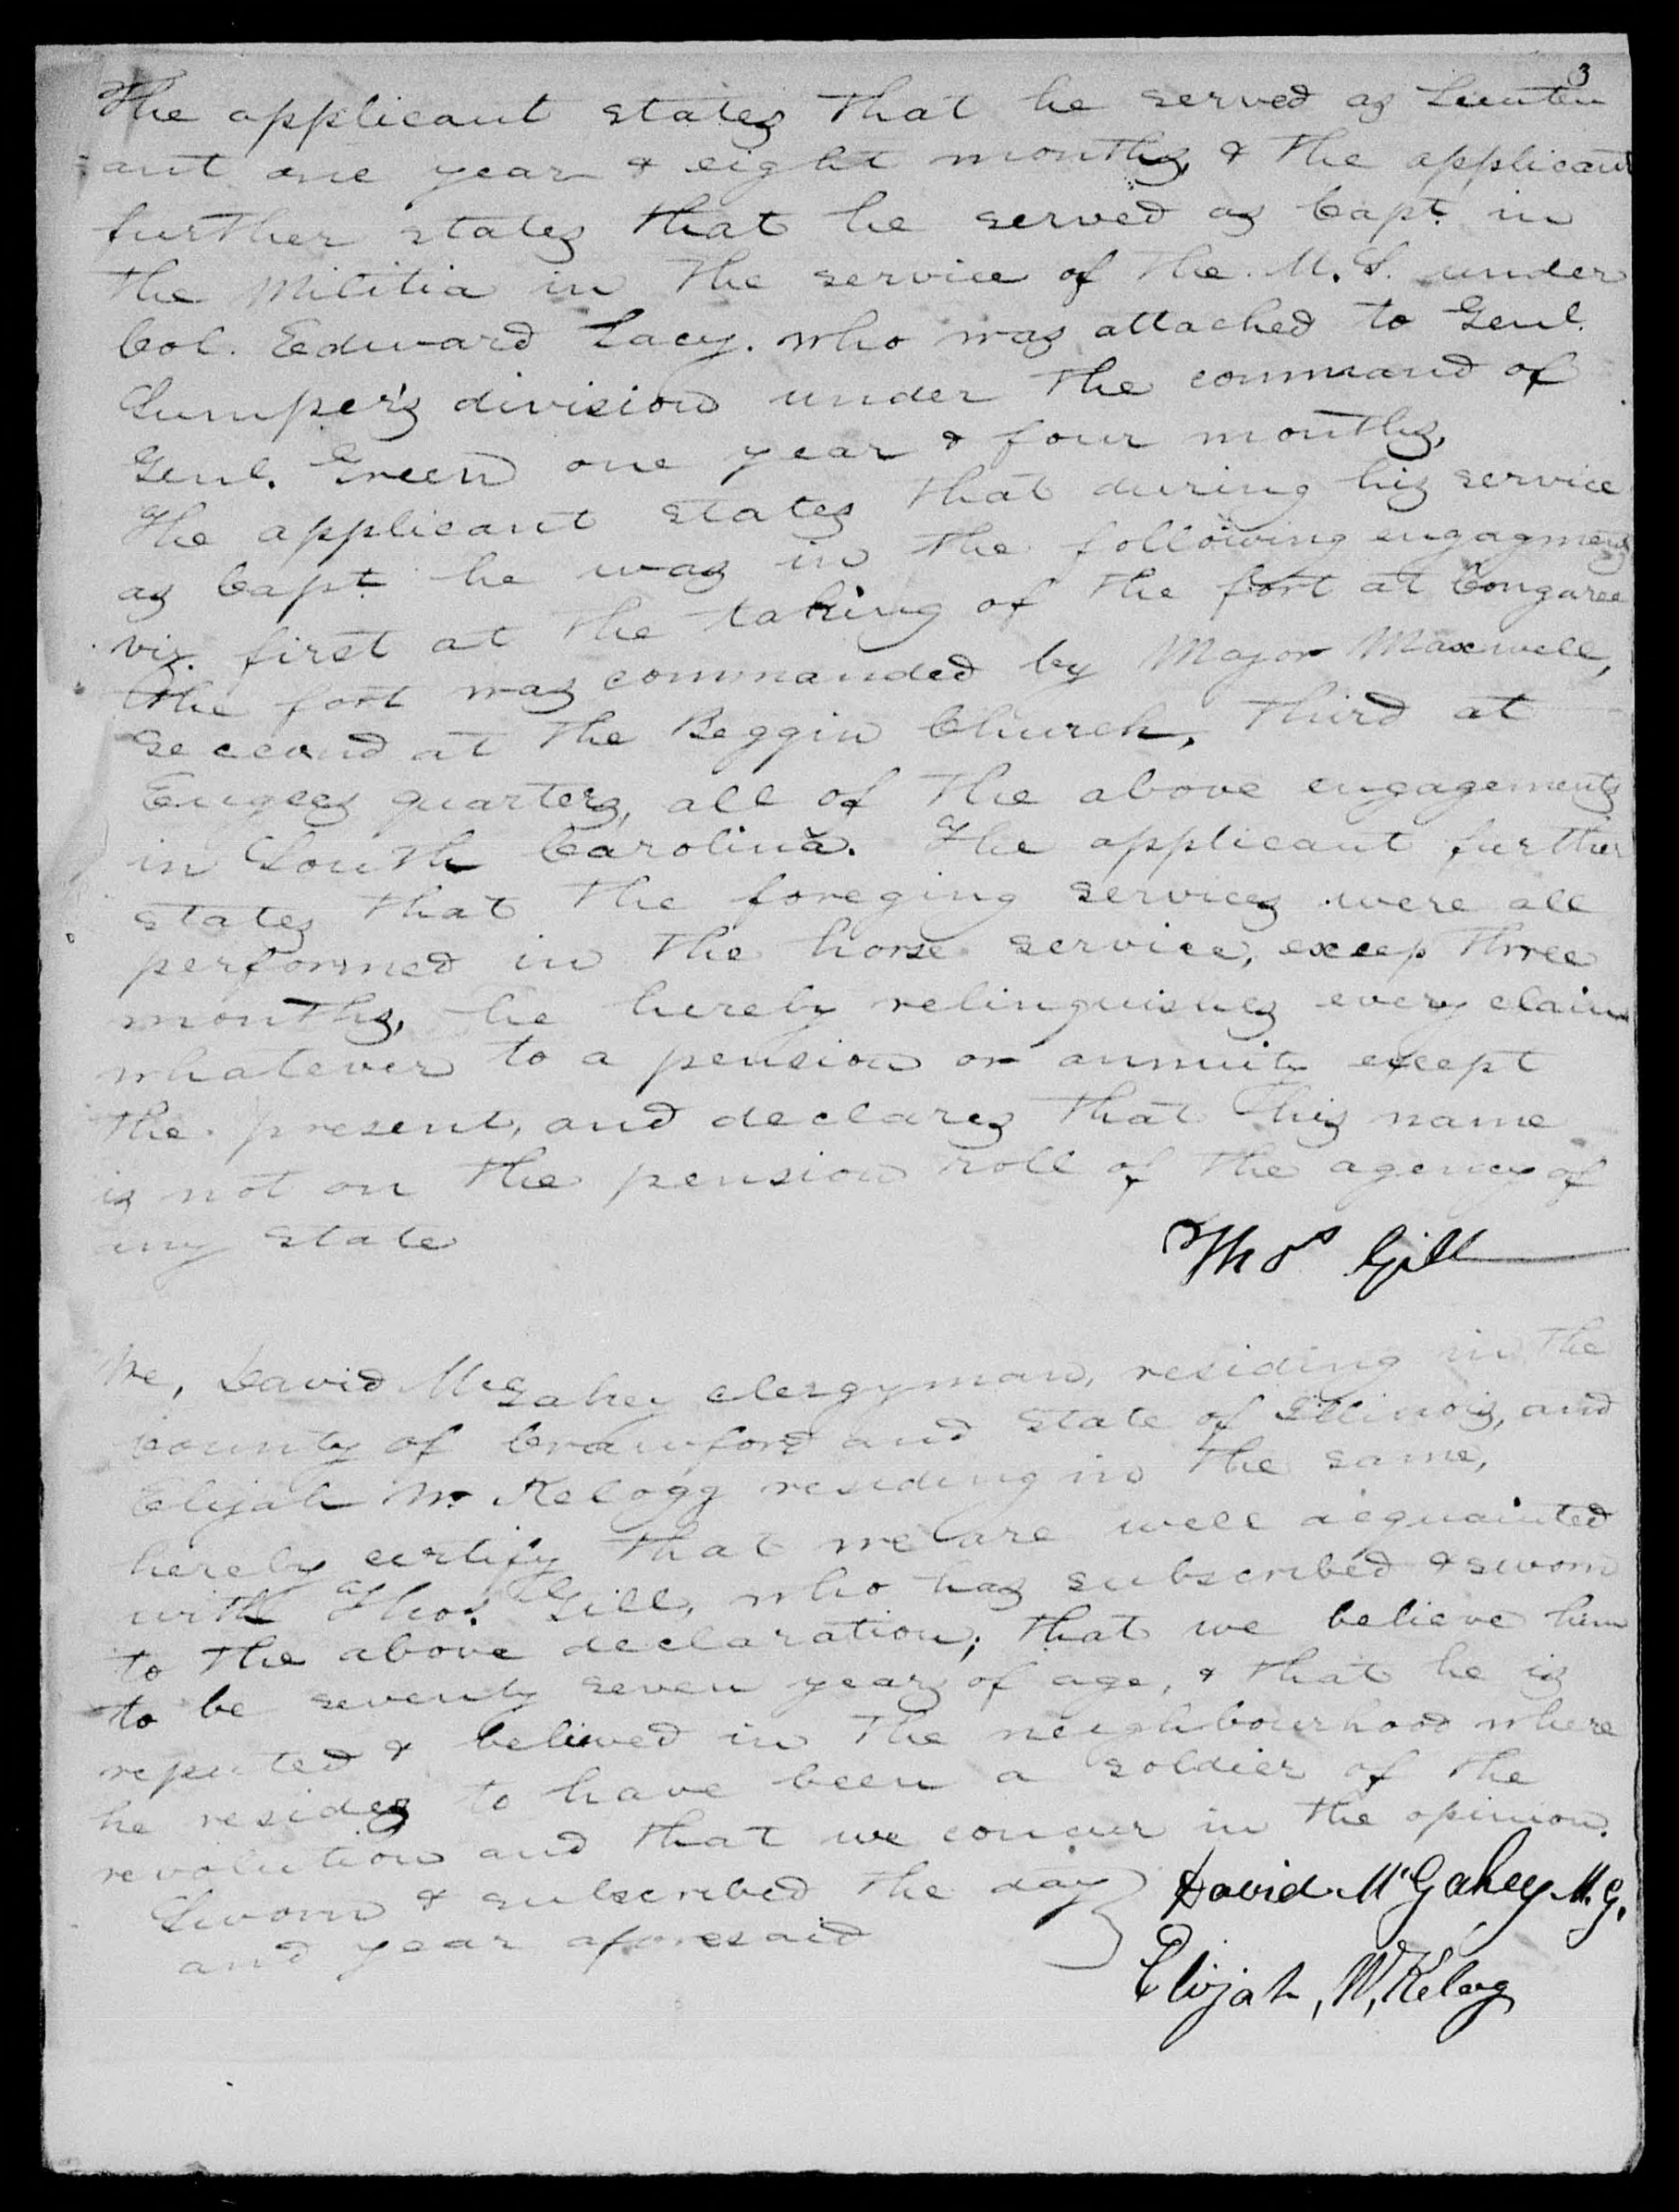(3) The applicant states that he served as Lieutenant  one year & eight months  & the applicant further states that he served as Capt in the militia  in the service of the U.S.  under  Col. Edward Lacy [Lacey] , who was attached to  Genl [Thomas Sumter] Sumpter's division under the command of Genl Green [Nathanael Greene] one year & four months . The applicant states that during his service as Capt. he was in the following engagements viz . first at the taking of the fort at Congaree, the fort was commanded by Major [Andrew] Maxwell [Siege of Fort Granby], second at the Beggin Church [Skirmish at Biggins Church], third at Eugee [Huger] quarters, all of the above engagements  in  South Carolina. The applicant further states that  the foregoing services were all performed in the horse service, except three months, he hereby relinquishes every claim whatever to a pension or annuity except the present  , and declares that his name is not on the  pension  roll of the agency of any State. 
s/ Thos Gill 
We David  McGahey clergyman , residing in the  County of Crawford  and State of Illinois , and Elijah M. Kelog residing in the same , hereby certify that we are well acquainted with  Thos Gill , who has subscribed  & sworn to the above declaration , that we believe him to be seventy seven years  of age & that he is reputed and believed in the neighborhood where he resides to have been a soldier of the  revolution and that we concur in the opinion. 
s/ David Mc Gahey MG. Elijah M. Kelog   Sworn  & subscribed the day and year aforesaid .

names: Edward Lacy, David Mc Gahey, Maxwell, Elijah W Kelog, Sumpter, David Mc Gahey, Green, Thos Gill, Elijah W Kelogg, Thos Gill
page: 9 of 44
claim: survivor's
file: S. 31,061, Thomas Gill, S.C.